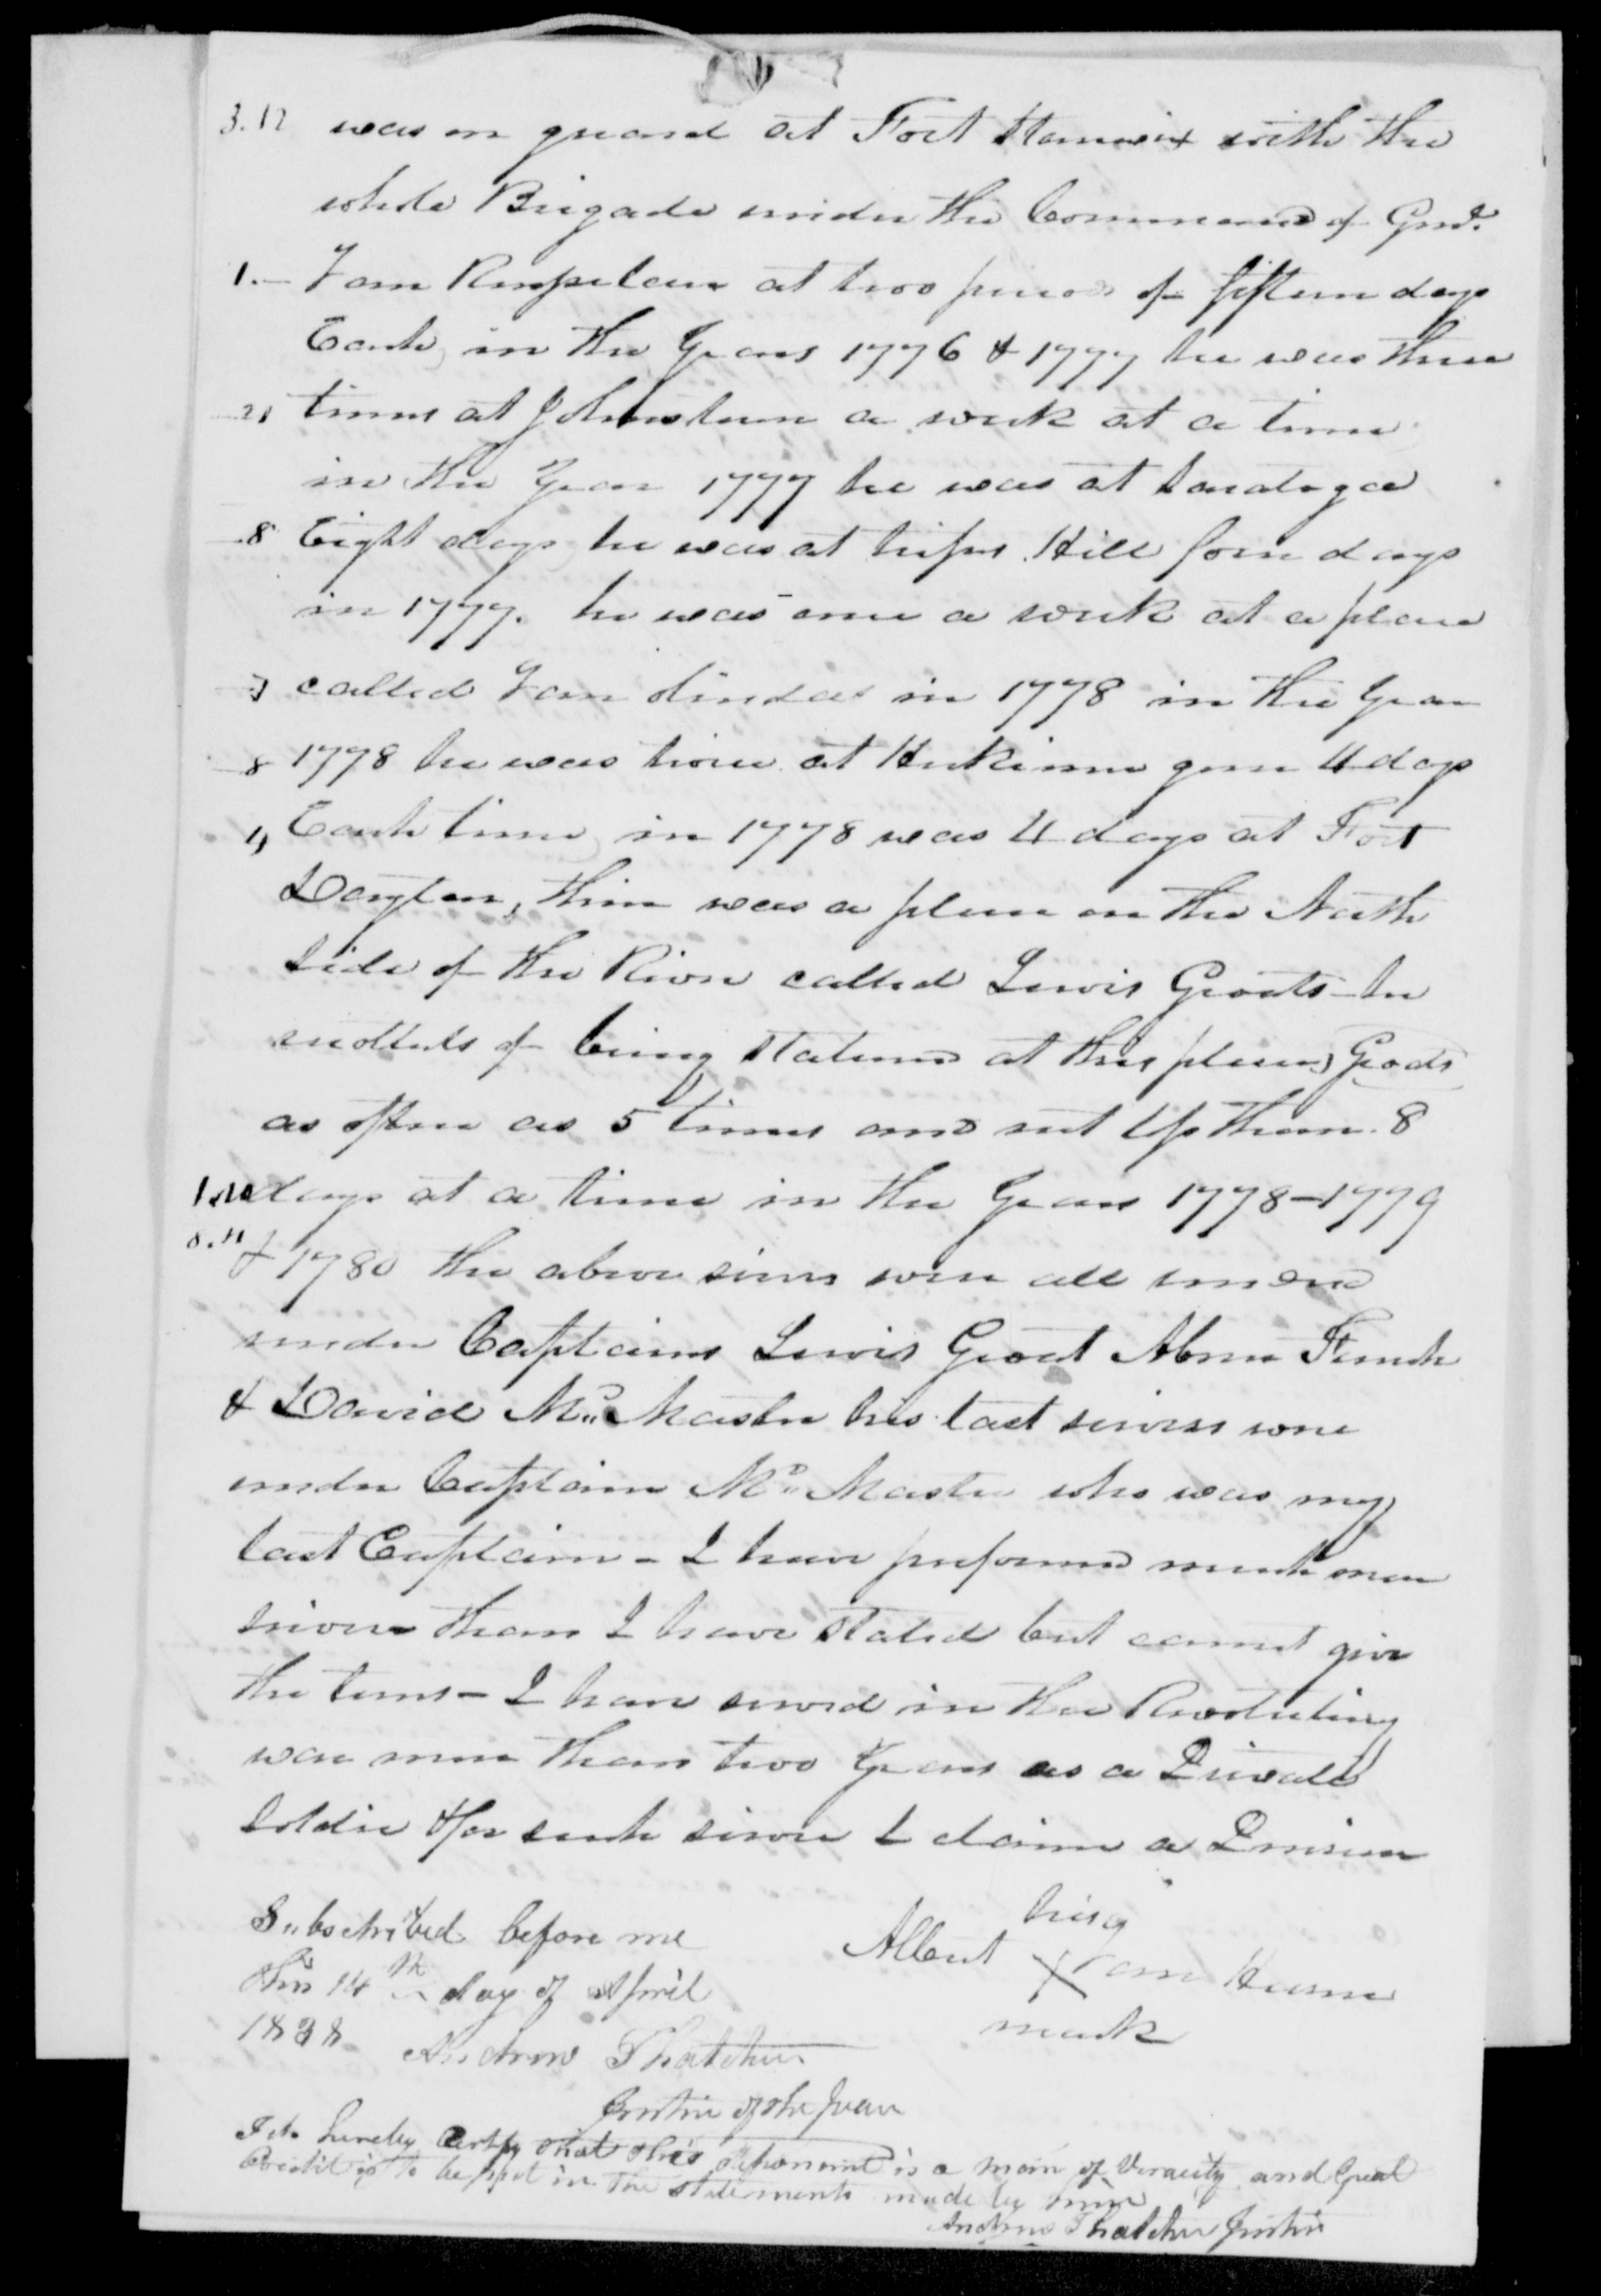was on guard at Fort Stanwix with the whole Brigade under the command of Genl. Van Rensselaer at two periods of fifteen days Each, in the year 1776 & 1777 he was three times at Johnstown a week at a time in the year 1777 he was at Saratoga Eight days he was at Tribes Hill four days in 1777. he was once a week at a place called Van olindas in 1778 in the year 1778 he was twice at Herkimer gone 4 days Each time in 1778 was 4 days at Fort Dayton, their was a place on the North side of the River called Lewis Groats - he recollects of being stationed at this place Groats as often as 5 times and not less than 8 days at a time in the year 1778-1779 & 1780 the above services were all served under Captain Lewis Groat Abm French & David McMaster his last services were under Captain McMaster who was my last Captain - I have performed much more service than I have stated but cannot give the times - I have served in the Revolutionary war more than two years as a Private Soldier & for such service I claim a Pension 
[signed] Albert Van Husen X his mark
Subscribed before me this 14th day of April 1838. 
[signed] Andrew Thatcher Justice of the peace
I do hereby certify that this deponent is a man of veracity and Great Credit it to be put in the statements made by him 
[signed] Andrew Thatcher Justice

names: Lewis Groat, Andrew Thatcher, Albert Van Husen, Lewis Groats, Van Olinda, Abrm French, David Mc Master, Andrew Thatcher, Groats, Mc Master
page: 48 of 57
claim: survivor's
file: S. 28,925, Albert Van Housen, New York